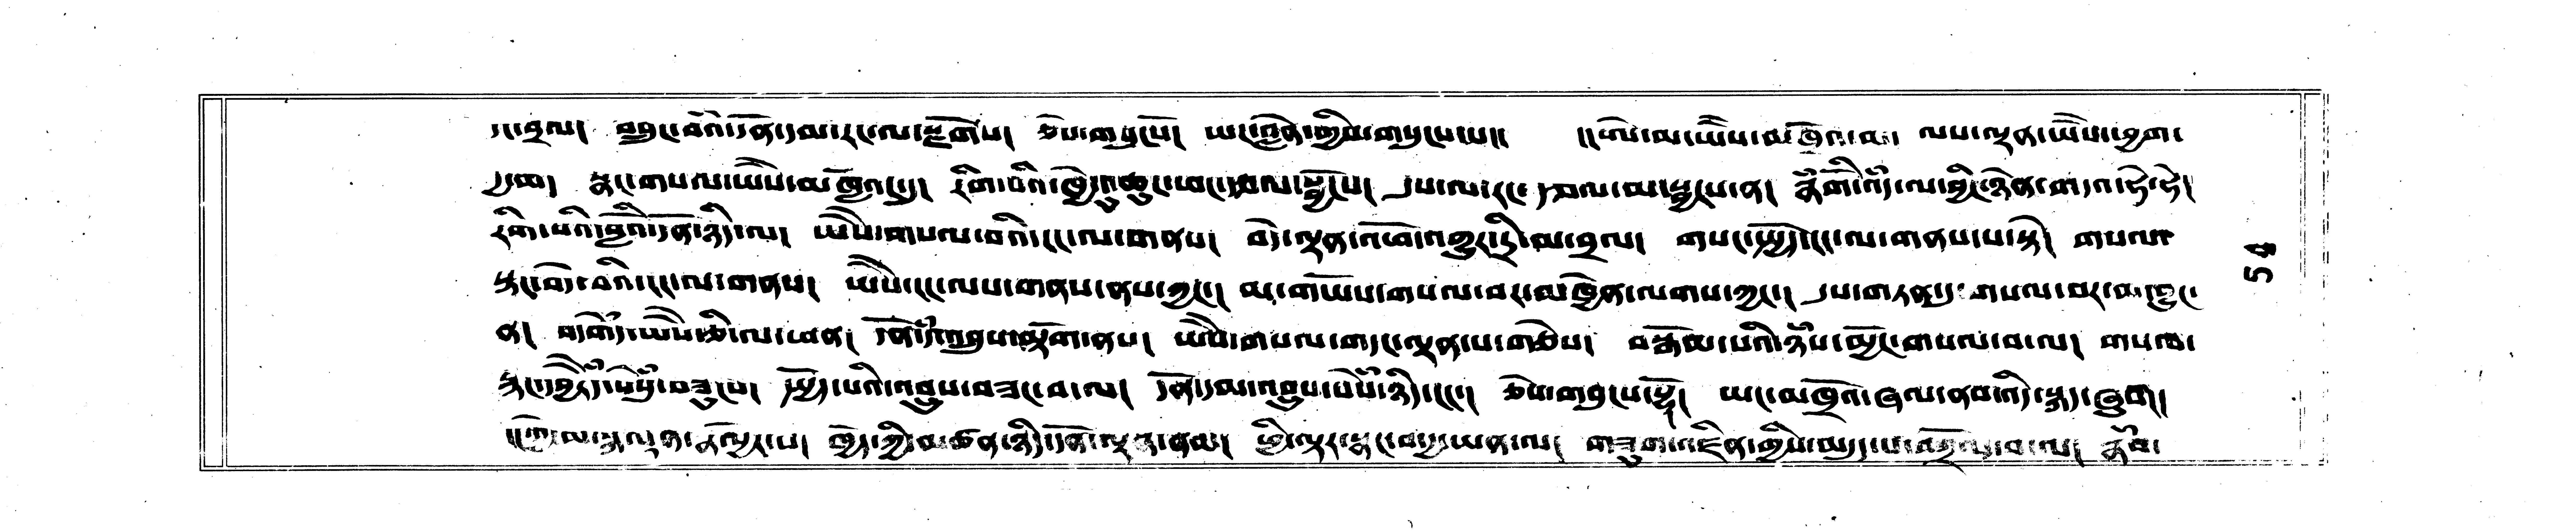དང་བྲལ། བསྲུང་བའི་དོན་དམ་རང་ལ་རྫོགས། ཅེས་གསུངས་སོ། བླ་ཆེན་གྱིས་གསུངས་པ། ཨེ་མ་ཡེ་ཤེས་མཁའ་འགྲོ་མ། ལས་ལྡན་ཡེ་ཤེས་ཕྱག་
རྒྱ་མ། སྣང་གསལ་ཡེ་ཤེས་མཁའ་ཀློང་དུ། རིག་པའི་ཁྱེའུ་ཆུང་ཕང་རྩལ་སྦྱོངས། དུས་ལ་རང་རྩལ་མ་སྦྱངས་ན། རྣམ་རྟོག་འདི་ལ་བྱིངས་ཉེན་གདའ་ཧེ་ཧེ།
 རིག་པའི་བློ་ཡི་དོན་ཉིད་ལ། ཡེ་ཤེས་གསལ་བའི་ངང་ལ་གནས། བདེ་ལྡན་འཕོ་འགྱུར་དྲི་མ་བྲལ། གསང་སྤྱོད་ངང་ལ་གནས་པ་སྟེ། གསལ་
སྟོང་བདེ་བའི་ངང་ལ་གནས། ཡེ་ཤེས་ངང་ལས་གནས་ནས་ཀྱང་། མ་གཡོས་གསལ་བར་མཁྱེན་ལགས་ཀྱང་། དུས་གཏན་དུ་གསལ་བར་མ་བྱུང་
ན། བདག་མེད་ཡེ་ཤེས་ཅི་ལ་ཕན། དོན་དམ་འབྲས་བུ་མ་རྟོགས་ན། ཡེ་ཤེས་གསལ་གདངས་ལྡན་པ་གཅེས། བསྒོམ་པའི་ཉམས་མྱོང་གསལ་བ་ལ། གསལ་
སྟོང་དབྱེར་མེད་སེམས་སུ་བཟུང་། སྤྱོད་པའི་འབྲས་བུ་བཟང་བ་ལ། དོན་དམ་འབྲས་བུ་སེམས་ཉིད་ངང་། ཞེས་གསུངས་སོ། །ཡང་མཁའ་འགྲོའི་ཞལ་ནས་འདི་སྐད་ཞུས།
 ཀྱེ་མ་སྐལ་ལྡན་རྣལ་འབྱོར་པ། ཁྱོད་ཀྱི་མཚན་ཉིད་དོན་ལྡན་ནམ། ཕྱི་ལྟར་སྣང་བ་རྒྱ་ཡན་ལ། གཟུགས་འཛིན་གྱི་མདུད་པ་གྲོལ་བ་ལ། རྣམ་